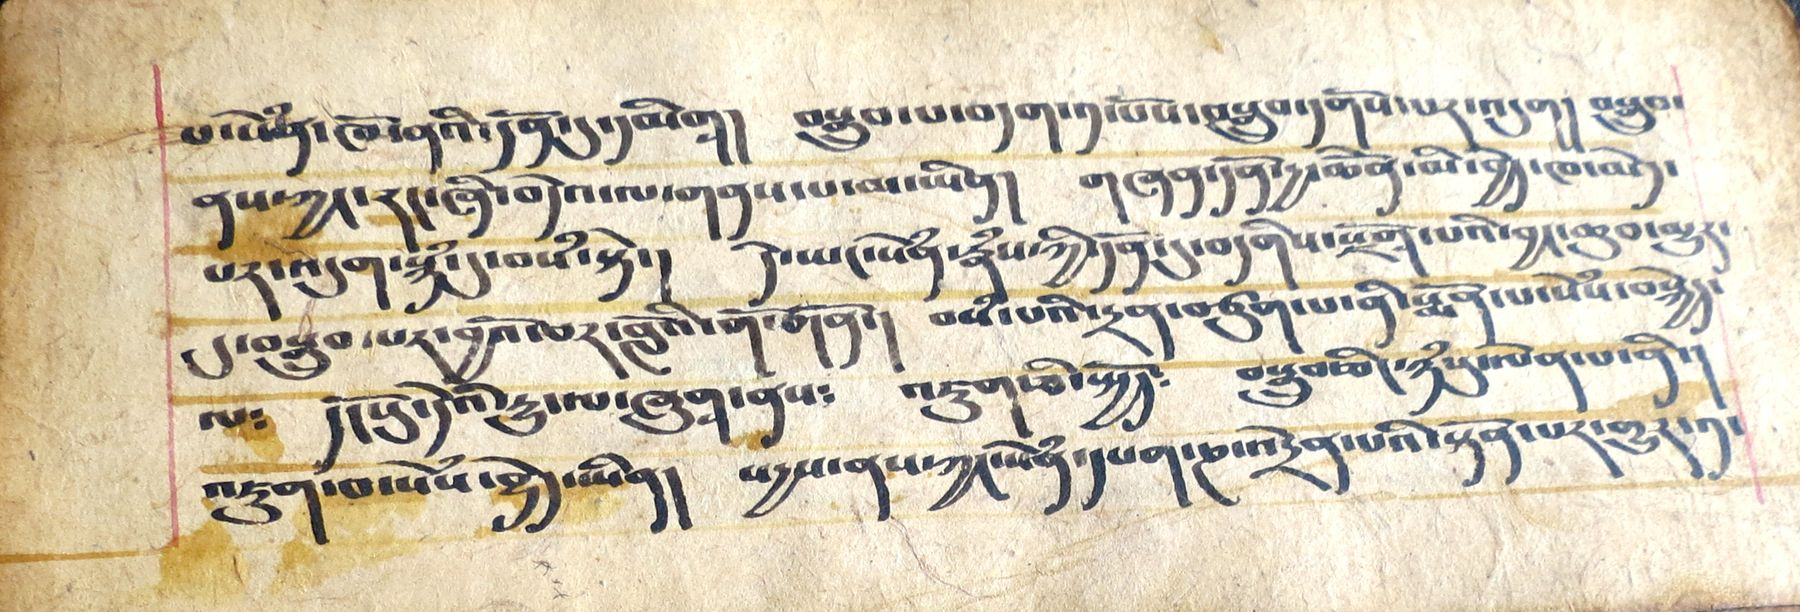པ་སེམས་ཅན་ཁོ་ནའི་དོན་དུ་དམིགས། སྒྲུབ་པ་བདག་གཅིག་པུས་སྒྲུབ་དགོས་པར་འདུག འགྲུབ་
ནས་ཀྱང་རང་ཞི་བདེ་ལ་གནས་པ་མ་ཡིན་ཏེ། གཞན་དོན་རྒྱ་ཆེན་པོ་མི་བྱེད་ཁ་མེད་
པར་འདུག་སྙམ་དུ་བསམ་སྟེ། དེ་ཡང་སེམས་ཅན་རྣམས་ཀྱི་དོན་དུ་བདག་གིས་རྫོགས་པའི་བྱང་ཆུབ་མྱུར་
དུ་བསྒྲུབ་པར་བྱ་བའི་བློ་ཡི་གོ་གྱོན། བསམ་པའི་སྲན་བཙུགས་པ་ནི་སྨོན་པ་སེམས་བསྐྱེད་
ལ། དངོས་སུ་དེའི་རྒྱུ་ལ་ཞུགས་ནས། འཇུག་ཅིང་སྤྱོད། སྒྲུབ་ཅིང་ཉམས་སུ་ལེན་པ་ནི། 
འཇུག་པ་སེམས་བསྐྱེད་ཡིན། སངས་རྒྱས་ནས་ཀྱང་སེམས་ཅན་དཔག་མེད་འདྲེན་པའི་སྟོན་པར་གྱུར་ཅིག་